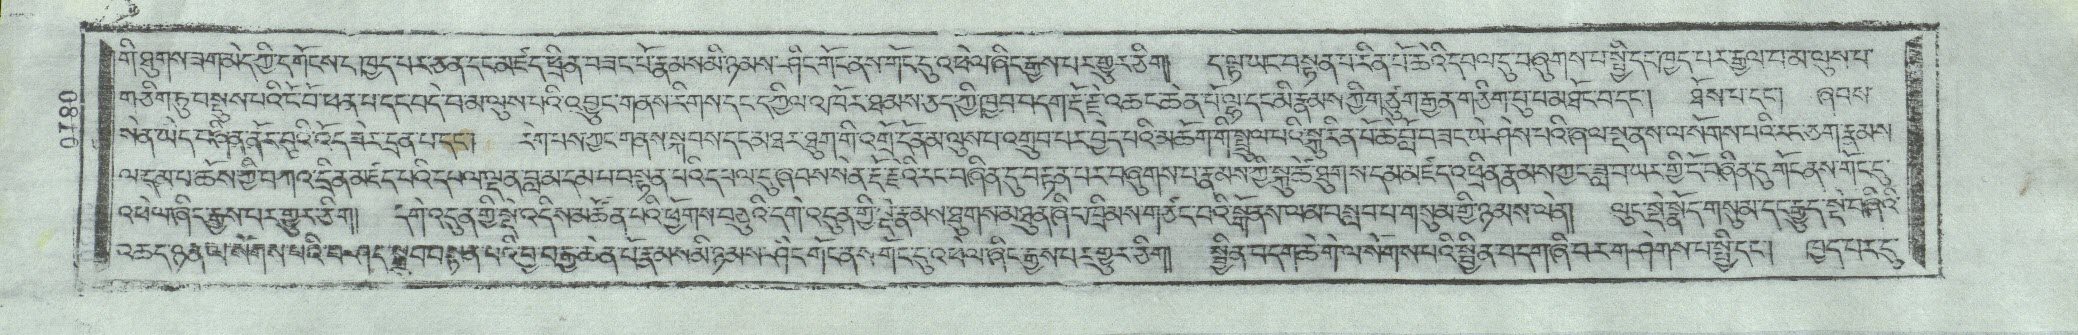གི་ཐུགས་ཟག་མེད་ཀྱི་དགོངས་པ་ཁྱད་པར་ཅན་དང་མཛད་ཕྲིན་བཟང་པོ་རྣམས་མི་ཉམས་ཤིང་གོང་ནས་གོང་དུ་འཕེལ་ཞིང་རྒྱས་པར་གྱུར་ཅིག །ང་ལྟ་ཡང་བསྟན་པ་རིན་པོ་ཆེའི་དཔལ་དུ་བཞུགས་པ་སྤྱི་དང་ཁྱད་པར་རྒྱལ་བ་མ་ལུས་པ་
གཅིག་ཏུ་བསྡུས་པའི་ངོ་བོ་ཕན་པ་དང་བདེ་བ་མ་ལུས་པའི་འབྱུང་གནས་རིགས་དང་དཀྱིལ་འཁོར་ཐམས་ཅད་ཀྱི་ཁྱབ་བདག་རྡོ་རྗེ་འཆང་ཆེན་པོ་ལྷ་དང་མི་རྣམས་ཀྱི་གཙུག་རྒྱན་གཅིག་པུ་པ་མཐོང་བ་དང་། ཐོས་པ་དང་། ཞབས་
སན་ཡད་བཞིན་ནོར་བུའི་འོད་ཟེར་དྲན་པ་དང་། རེག་པས་ཀྱང་གནས་སྐབས་དང་མཐར་ཐུག་གི་འགྲོ་དོན་མ་ལུས་པ་འགྲུབ་པར་བྱེད་པའི་མཆོག་གི་སྤྲུལ་བའི་སྐུ་རིན་པོ་ཆེ་བློ་བཟང་ཡེ་ཤེས་བའི་ཞལ་སྔན་སལ་སོགས་པའི་རང་ཅག་རྣམས་
ལ་དམ་པ་ཆོས་ཀྱི་བཀའ་དྲིན་མཛད་པའི་དཔལ་ལྡན་བླ་མ་དམ་པ་བསྟན་པའི་དཔལ་དུ་ཞབས་སེན་རྡོ་རྗེའི་རང་བཞིན་དུ་བརྟན་པར་བཞུགས་པ་རྣམས་ཀྱི་སྐུ་ཚེ་ཐུགས་དམ་མཛད་འཕྲིན་རྣམས་ཀྱང་ཟླ་བ་ཡར་གྱི་ངོ་བོ་བཞིན་དུ་དུ་གོང་ནས་གོང་དུ་
འཕེལ་ཞིང་རྒྱས་པར་གྱུར་ཅིག །དགེ་འདུན་གྱི་སྡེ་འདིས་མཚོན་པའི་ཕྱོགས་བཅུའི་དགེ་འདུན་གྱི་སྡེ་རྣམས་ཐུགས་མཐུན་ཞིང་ཁྲིམས་གཙང་བའི་སྒོ་ནས་ལམ་བསླབ་པ་གསུམ་གྱི་ཉམས་ལེན། ལུང་སྡེ་སྣོད་གསུམ་དང་རྒྱུད་སྡེ་བཞིའི་
འཆད་ཉན་ལ་སོགས་པའི་བཤད་སྒྲུབ་བསྟན་པའི་བྱ་བ་རྒྱ་ཆེན་པོ་རྣམས་མི་ཉམས་ཤིང་གོང་ནས་གོང་དུ་འཕེལ་ཞིང་རྒྱས་པར་གྱུར་ཅིག །སྦྱིན་བདག་ཆེན་གེ་ལ་སོགས་པའི་སྦྱིན་བདག་ཞི་བར་གཤེགས་པ་སྤྱི་དང་། ཁྱད་པར་དུ་